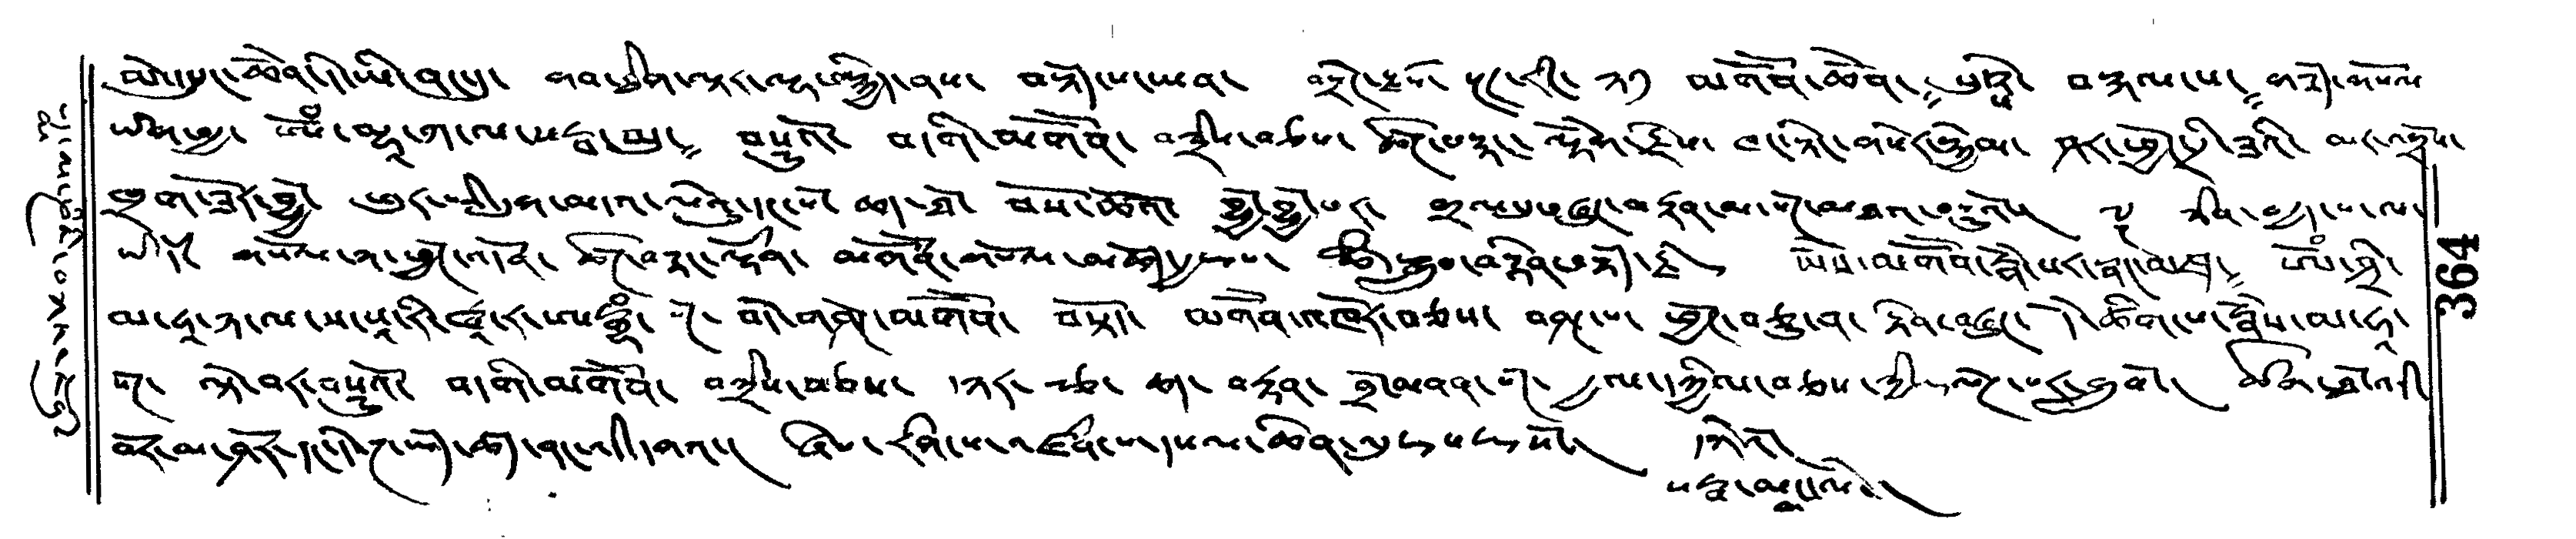མེ་དཔུང་ཆེན་པོ་དེ་ཡི་ནང་དུ། གབ་ཐིག་ལྟར་ལྷ་བསྐྱེད་ནས།་བསྟོད་པ་ཡན། བསྲེག་རྫས། སྔགས་རིང་ཉེར་གཅིག མགོན་པོ་ཆེན་པོ༴ པུཥྤེ༴ བསྐལ་པ༴ བཟོད་གསོལ་
ཡིག་བརྒྱ། ཨོཾ་མ་ཧཱ་ཀ་ལ་སརྦ་མུ༴ བསྡུའོ༔ བདག་གི་མགོན་པོ༴ བཀྲ་ཤིས་བཅས། ཚོགས་བསྐང་། ལྷག་མའི་རྗེས། ཁང་སྟེང་གསེར་སྐྱེམས། ཤར་ཕྱོགས་དྲི་ཟའི༴ མར་འགྲོས། 
ཁྲག་ཟོར་བྷྱོ༔ ཕུར་པའི་དུག་མདའ་ལེའུ་དང་པོ། ཆད་ཐོ། བསྭོ་ཆའོ། བྷྱོ་བྷྱོ༴ བར། གྲལ་དུ་བཞུགས། བརྟན་མ་སོགས་མཐའ་བསྡུའོ། ༈ ཉིན་བརྒྱད་པ་ལ་
ཡི་དམ། གསོལ་ཀ་ཕྱོགས་འདོན། ཚོགས་བསྐང་ལྷག་མ། མགོན་པོའི་གསོལ་མཆོད་རྒྱས་པ། ཚེ་སྒྲུབ་བསྙེན་བསྟོད་རྗེས། ཡེ་ཤེས་མགོན་པོ་རྣམ་པར་སྣང་མཛད༴ ཨོཾ་ཤྲཱི་
མ་ཧཱ་ཀ་ལ་ས་པཱ་རི་ཝཱ་ར་ཨརྒྷཾ༴ སོགས། བདེ་གཤེགས་མགོན་པོ༴ བསྟོད༔ མགོན་པོ་འཁོར་བཅས༴ བཤགས་པ། ཕྱོགས་བཅུ་ན༴ རྟེན་བཞུགས། དམ་ཚིག་པ་རྣམས་མ་ཧཱ༴ 
སོགས། ལྟེ་བར་བསྡུའོ། བདག་གི་མགོན་པོ༴ བཀྲ་ཤིས་བཅས། དཀར་གཏོར། རྩ་རྒྱུད། ཆད་བརྟན། བྲོ་མནན་སོགས། རྒྱལ་དཀྱིལ༴ བཅས་ཀྱིས་ལེགས་པར་གྲུབ་བོ།། ཚིག་ཐོ་འདི་
བོར་མ་ཤོར་དང་དེ་སྔ་ཡོད་ཚད་ནང་འདི་དགའ། ཞེས་རིག་པ་འཛིན་པ་དཔལ་ཆེན་འདུས་པས་སོ།། སརྦ་མངྒ་ལཾ།།